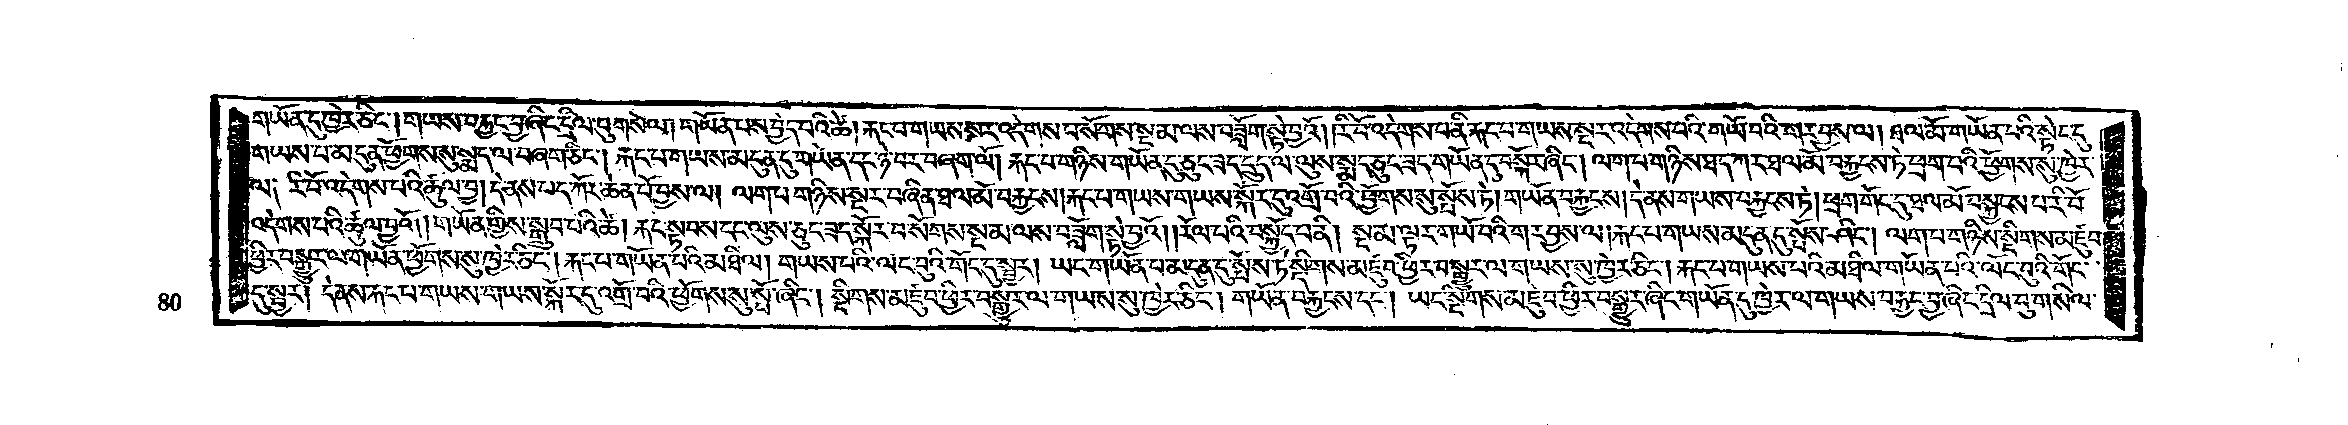གཡོན་དུ་ཁྱེར་ཅིང་། གཡས་བརྐྱང་བྱ་ཞིང་དྲིལ་བུ་གསིལ། གཡོན་པས་བྱེད་པའི་ཚེ། རྐང་པ་གཡས་སྔར་འདེགས་པ་སོགས་སྔ་མ་ལས་བཟློག་སྟེ་བྱའོ། །རི་བོ་འདེགས་པ་ནི་རྐང་པ་གཡས་སྔར་འདེགས་པའི་གཡོ་བའི་གར་བྱས་ལ། ཐལ་མོ་གཡོན་པའི་སྟེང་དུ་
གཡས་པ་མདུན་ཕྱོགས་སུ་སྨད་ལ་བཞག་ཅིང་། རྐང་པ་གཡས་མདུན་དུ་གཡོན་དང་ཉེ་བར་བཞག་ལ། རྐང་པ་གཉིས་གཡོན་དུ་ཅུང་ཟད་དྲུད་ལ་ལུས་སྨད་ཅུང་ཟད་གཡོན་དུ་བསྐོར་ཞིང་། ལག་པ་གཉིས་ཐད་ཀར་ཐལ་མོ་བརྐྱངས་ཏེ་ཕྲག་པའི་ཕྱོགས་སུ་ཁྱེར་
ལ༑ རི་བོ་འདེགས་པའི་ཚུལ་བྱའོ། དེ་ནས་པད་ཀོར་ཆེན་པ་བྱས་ལ། ལག་པ་གཉིས་སྔར་བཞིན་ཐལ་མོ་བརྐྱངས། རྐང་པ་གཡས་གཡས་སྐོར་དུ་འགྲོ་བའི་ཕྱོགས་སུ་སྤོས་ཏེ། གཡོན་བརྐྱངས། དེ་ནས་གཡས་བརྐྱངས་ཏེ། ཕག་གོང་དུ་ཐལ་མོ་བསྐྱངས་པ་རི་བོ་
འདེགས་པའི་ཚུལ་བྱའོ། །གཡོན་གྱིས་སྒྲུབ་པའི་ཚེ། རྐང་སྟབས་དང་ལུས་ཅུང་ཟད་སྐོར་བ་སོགས་སྔ་མ་ལས་བཟློག་སྟེ་བྱའོ། །རོལ་པའི་བསྐྱོད་པ་ནི། སྔ་མ་ལྟར་གཡོ་བའི་གར་བྱས་ལ། རྐང་པ་གཡས་མདུན་དུ་སྤོས་ཤིང་། ལག་པ་གཉིས་སྡིགས་མཛུབ་
ཕྱིར་བསྒྱུར་ལ་གཡོན་ཕྱོགས་སུ་ཁྱེར་ཅིང་། རྐང་པ་གཡོན་པའི་མཐིལ། གཡས་པའི་ལེང་བུའི་གོང་དུ་སྦྱར། ཡང་གཡོན་པ་མདུན་དུ་སྤོས་ཏེ་སྡིགས་མཛུབ་ཕྱིར་བསྒྱུར་ལ་གཡས་སུ་ཁྱེར་ཅིང་། རྐང་པ་གཡས་པའི་མཐིལ་གཡོན་པའི་ལོང་བུའི་གོང་
དུ་སྦྱར། དེ་ནས་རྐང་པ་གཡས་སྐོར་དུ་འགྲོ་བའི་ཕྱོགས་སུ་སྤོ་ཞིང་། སྡིགས་མཛུབ་ཕྱིར་བསྒྱུར་ལ་གཡས་སུ་ཁྱེར་ཅིང་། གཡོན་བརྐྱངས་དང་། ཡང་སྡིགས་མཛུབ་ཕྱིར་བསྒྱུར་ཞིང་གཡོན་དུ་ཁྱེར་ལ་གཡས་བརྐྱང་བྱ་ཞིང་དྲིལ་བུ་གསིལ་